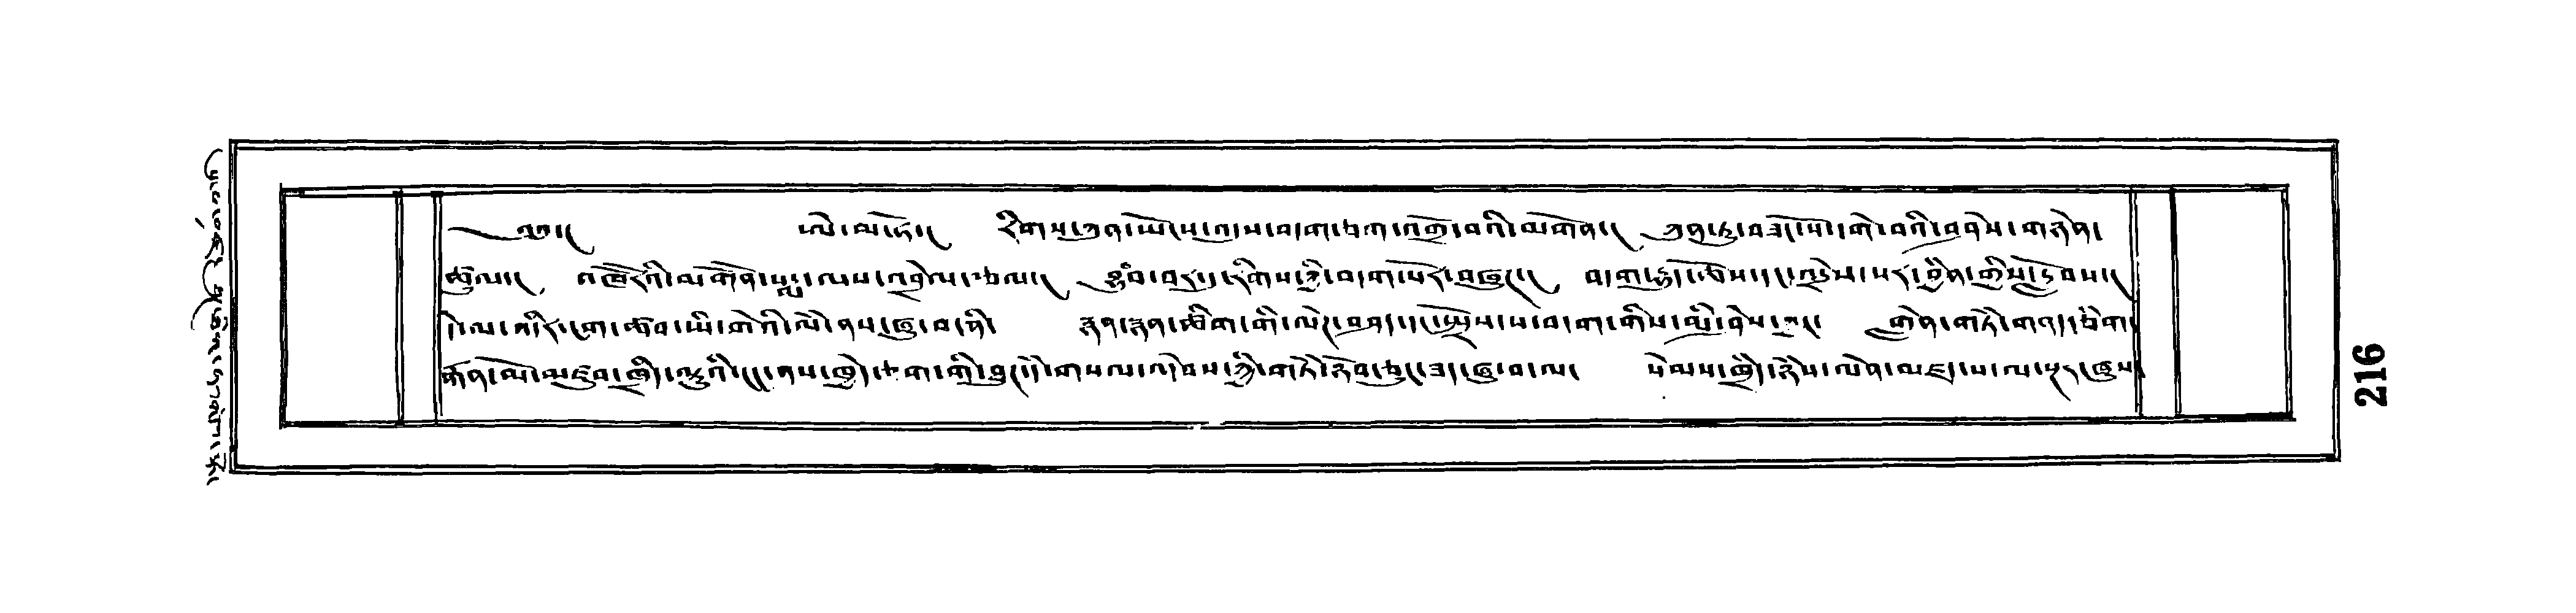ཨེ་མ་ཧོ། རིགས་ཀུན་ཡོངས་འདུས་བདག་ཅག་འགྲོ་བའི་མགོན། །ཀུན་ཏུ་བཟང་པོ་དགེ་བའི་བཤེས་གཉེན་
ཚུལ། །འཁོར་ལོའི་མགོན་པོ་པདྨ་ལས་འབྲེལ་རྩལ། །བྱང་ཆུབ་བར་དུ་རིགས་ཀྱི་བདག་པོར་བཞུགས། །བདག་རྒྱུད་ཆོས་དང་འདྲེས་པར་བྱིན་གྱིས་རློབས། །
དེ་ལ་འདིར་ངག་ཚབ་ཡི་གེའི་ལམ་ནས་ཞུ་བ་ནི། སྙན་སྙན་ཚིག་གི་ལེགས་བཤད་དང་སྤྲོས་པ་བདག་གིས་མི་ཤེས་ཀྱང་། གླེན་གཏམ་གནད་ཅིག་
རྒན་མོ་མཛུབ་ཁྲིད་ལྟ་བུའི་ངང་ནས་ཁྱེད་ཅག་གི་ཐུགས་དམ་གསལ་འདེབས་ཀྱི་གཏམ་ཉོབ་ཅུང་ཟད་ཞུ་བ་ལ། སེམས་ཁྲིད་ཉམས་ལེན་མཛད་པ་ལ་སྔར་ཞུས་